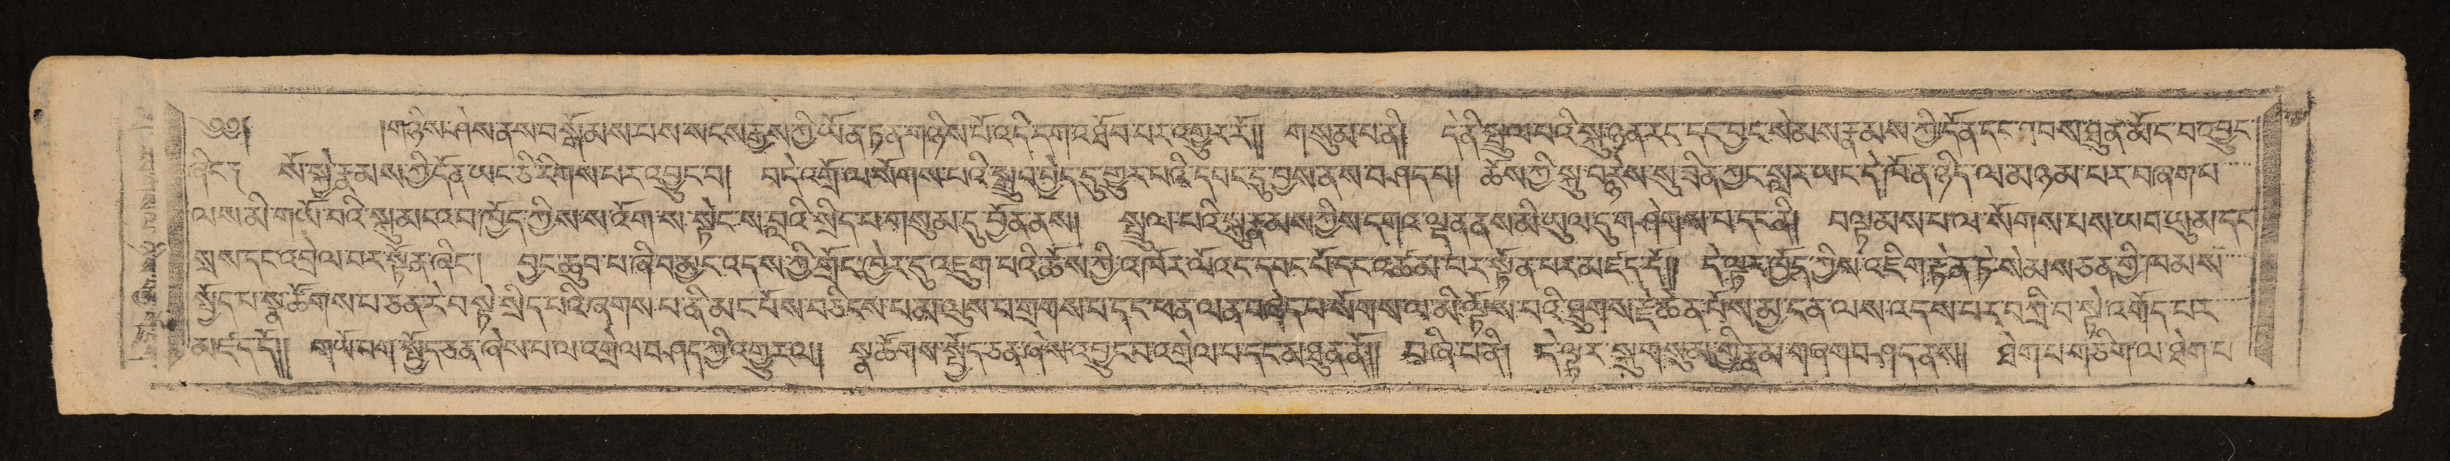༄༅། །གཉིས་ཤེས་ནས་བསྒོམས་པས་སངས་རྒྱས་ཀྱི་ཡོན་ཏན་གཉིས་པོ་འདི་དག་འཐོབ་པར་འགྱུར་རོ།། གསུམ་པ་ནི། ད་ནི་སྤྲུལ་པའི་སྐུ་ཉན་རང་དང་བྱང་སེམས་རྣམས་ཀྱི་དོན་དང་ཐབས་ཐུན་མོང་བ་འབྱུང་
ཞིང༑ སོ་སྐྱེ་རྣམས་ཀྱི་དོན་ཡང་ཅི་རིགས་པར་འབྱུང་བ། བདེ་འགྲོ་ལ་སོགས་པའི་སྒྲུབ་བྱེད་དུ་གྱུར་པའི་དབང་དུ་བྱས་ནས་བཤད་པ། ཆོས་ཀྱི་སྐུ་བརྙེས་སུ་ཟིན་ཀྱང་སླར་ཡང་དེ་ཁོ་ན་ཉིད་ལ་མཉམ་པར་བཞག་པ་
ལས་མི་གཡོ་བའི་སྐུ་མངའ་པ་ཁྱོད་ཀྱིས་ས་འོག་ས་སྟེང་ས་བླའི་སྲིད་པ་གསུམ་དུ་བྱོན་ནས། སྤྲུལ་པའི་སྐུ་རྣམས་ཀྱིས་དགའ་ལྡན་ནས་མི་ཡུལ་དུ་གཤེགས་པ་དང་ནི། བལྟམས་པ་ལ་སོགས་པས་ཡབ་ཡུམ་དང་
སྲས་དང་འབྲེལ་བར་སྟོན་ཞིང་། བྱང་ཆུབ་པ་ཞི་བ་མྱང་འདས་ཀྱི་གྲོང་ཁྱེར་དུ་འཇུག་པའི་ཆོས་ཀྱི་འཁོར་ལོའང་དབང་པོ་དང་འཚམ་པར་སྟོན་པར་མཛད་དོ།། དེ་ལྟར་ཁྱོད་ཀྱིས་འཇིག་རྟེན་ཏེ་སེམས་ཅན་གྱི་ཁམས་
སྤྱོད་པ་སྣ་ཚོགས་པ་ཅན་རེ་བ་སྟེ་སྲེད་པའི་ཞགས་པ་ནི་མང་པོས་བཅིངས་པ་མ་ལུས་པ་གྲགས་པ་དང་ཕན་ལན་བཞེད་པ་སོགས་ལ་མི་ལྟོས་པའི་ཐུགས་རྗེ་ཆེན་པོས་མྱ་ངན་ལས་འདས་པར་བཀྲི་བ་སྟེ་འགོད་པར་
མཛད་དོ།། གཡོ་བག་སྤྱོད་ཅན་ཞེས་པ་ལ་འགྲེལ་བཤད་ཀྱི་འགྱུར་ལ། སྣ་ཚོགས་སྤྱོད་ཅན་ཞེས་འབྱུང་བ་འགྲེལ་པ་དང་མཐུན་ནོ།། བཞི་པ་ནི། དེ་ལྟར་སྐུ་གསུམ་གྱི་རྣམ་གཞག་བཤད་ནས། ཐེག་པ་གཅིག་ལ་ཐེག་པ་